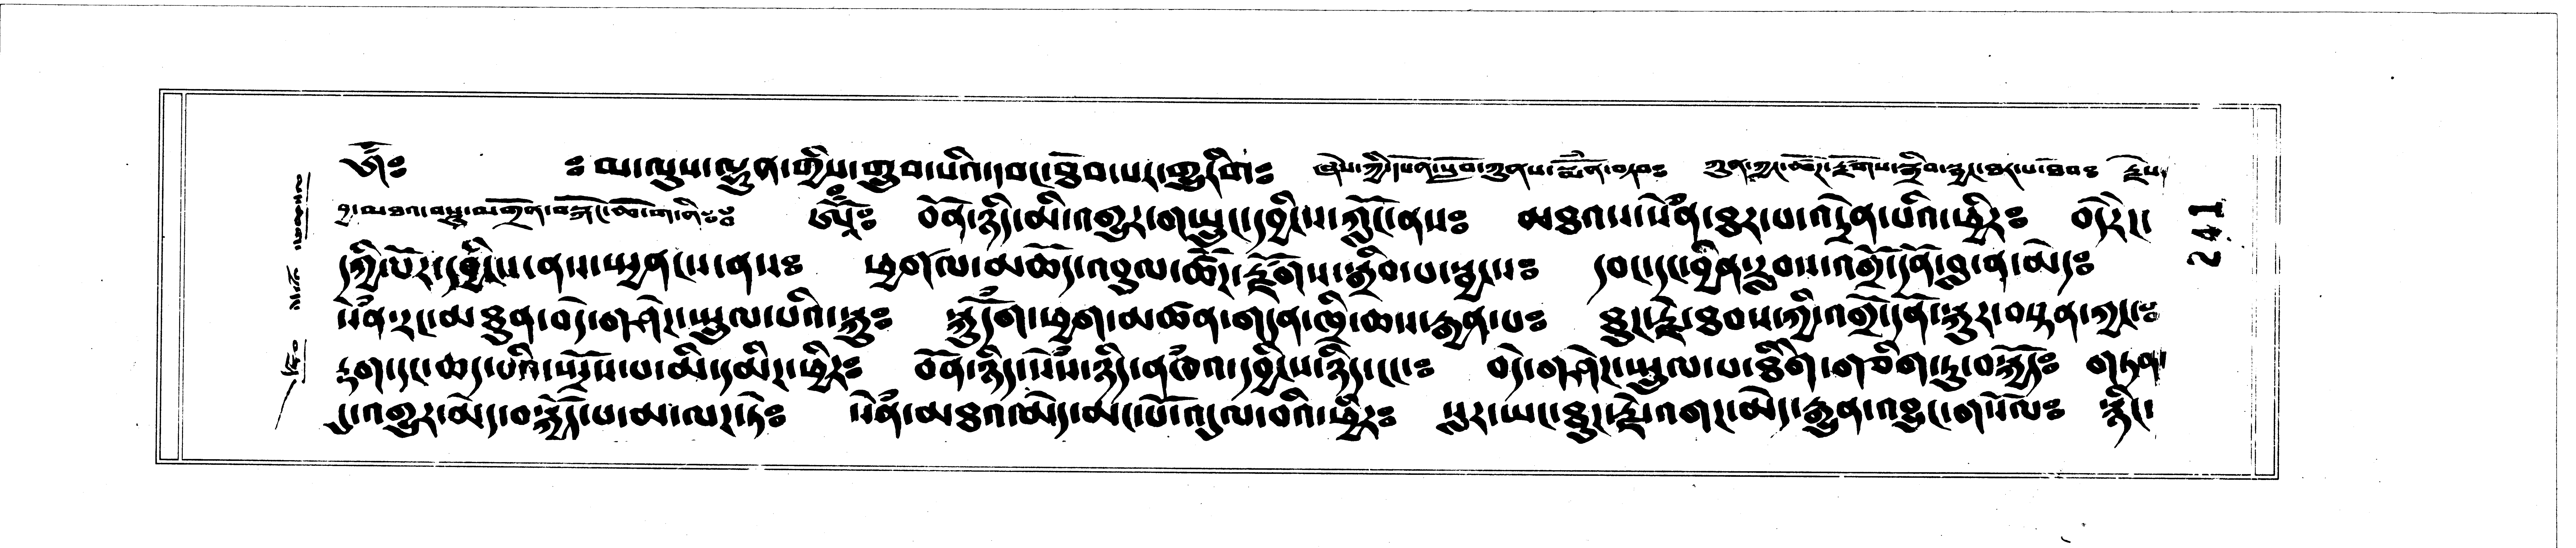མ་ལུས་ལྷུན་གྱིས་གྲུབ་པའི་དབང་ཐོབ་པར་གྱུར་ཅིགཿ ཞེས་ཀྱི་དཔོན་སློབ་ཀུན་ནས་སྨོན་ལམ་བཏབཿ ཀུན་ཀྱང་ཚོགས་རྫོགས་སྒྲིབ་བྱང་ཐར་པ་ཐོབཿ རྗེས་
བྱ་མཐའ་བསྡུ་མགྲོན་བསྐང་ཆོ་ག་ནིཿ ཨཱོྃཿ བོན་ཉིད་མི་འགྱུར་གཡུང་དྲུང་དབྱིངས་ཀློང་ནསཿ མཐའ་ཡས་སེམས་ཅན་ཐར་པ་འདྲེན་པའི་ཕྱིརཿ བདེར་གཤེགས་
དཀྱིལ་འཁོར་དབྱིངས་ནས་སྤྱན་དྲངས་ནསཿ ཕྱག་འཚལ་མཆོད་འབུལ་ཚོགས་རྫོགས་སྒྲིབ་པ་སྦྱངསཿ དབང་དང་བྱིན་རླབས་འགྲོ་དོན་བླ་ན་མེདཿ 
སེམས་ཅན་རང་མཐུན་བདེར་གཤེགས་སྤྲུལ་པའི་སྐུཿ སྐུ་མདོག་ཕྱག་མཚན་གདན་ཁྲི་ཆས་བརྒྱན་པཿ ཐུགས་རྗེ་ཐབས་ཀྱི་འགྲོ་དོན་སྐུར་བསྟན་ཀྱངཿ 
རྟག་དང་ཆད་པའི་སྤྲོས་པ་མི་དམིགས་ཕྱིརཿ བོན་ཉིད་སེམས་ཉིད་ནམ་མཁའ་དབྱིངས་ཉིད་ངངཿ བདེར་གཤེགས་སྤྲུལ་པ་ཐིག་ལེ་གཅིག་ཏུ་བསྐྱོདཿ གཏན་
དུ་འགྱུར་མེད་བསྐྱོད་པ་མ་ལགས་ཏེཿ སེམས་ཅན་མཐའ་མེད་མང་པོ་འདུལ་བའི་ཕྱིརཿ སླར་ཡང་ཐུགས་རྗེ་འགག་མེད་རྒྱུན་འབྱུང་གསོལཿ སྙིང་